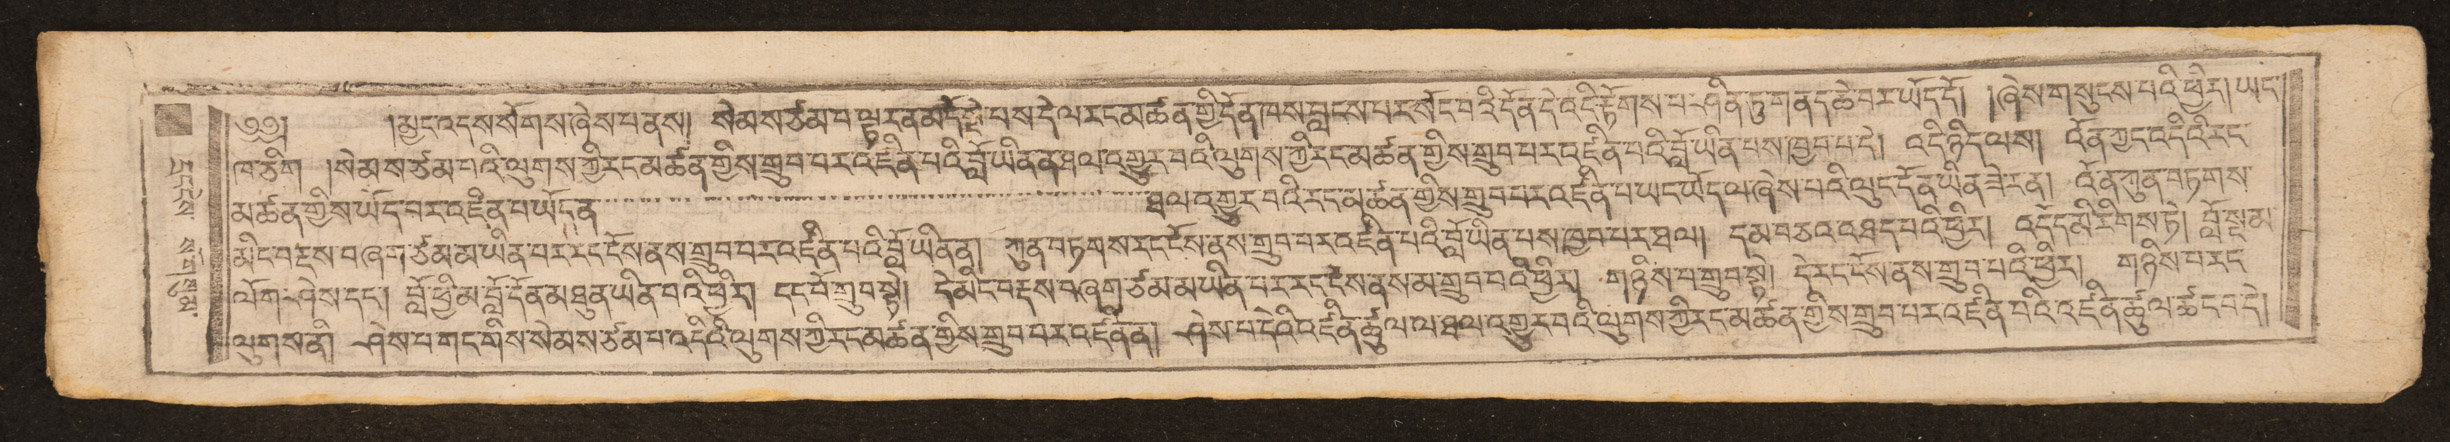༄༅། །མྱང་འདས་སོགས་ཞེས་པ་ནས། སེམས་ཙམ་པ་ལྟར་ན་མདོ་སྡེ་པས་དེ་ལ་རང་མཚན་གྱི་དོན་ཁས་བླངས་པར་སོང་བའི་དོན་དེ་འདི་རྟོགས་པ་ཤིན་ཏུ་གནད་ཆེ་བར་ཡོད་དོ། །ཞེས་གསུངས་པའི་ཕྱིར། ཡང་
ཁ་ཅིག །སེམས་ཙམ་པའི་ལུགས་ཀྱི་རང་མཚན་གྱིས་གྲུབ་པར་འཛིན་པའི་བློ་ཡིན་ན་ཐལ་འགྱུར་བའི་ལུགས་ཀྱི་རང་མཚན་གྱིས་གྲུབ་པར་འཛིན་པའི་བློ་ཡིན་པས་ཁྱབ་པ་དེ། འདི་ཉིད་ལས། འོན་ཀྱང་འདིའི་རང་
མཚན་གྱིས་ཡོད་པར་འཛིན་པ་ཡོད་ན་ཐལ་འགྱུར་བའི་རང་མཚན་གྱིས་གྲུབ་པར་འཛིན་པ་ཡང་ཡོད་ལ་ཞེས་པའི་ལུང་དོན་ཡིན་ཟེར་ན། འོ་ན་ཀུན་བཏགས་
མིང་བརྡས་བཞག་ཙམ་མ་ཡིན་པར་རང་ངོས་ནས་གྲུབ་པར་འཛིན་པའི་བློ་ཡིན་ན། ཀུན་བཏགས་རང་ངོས་ནས་གྲུབ་པར་འཛིན་པའི་བློ་ཡིན་པས་ཁྱབ་པར་ཐལ། དམ་བཅའ་འཐད་པའི་ཕྱིར། འདོད་མི་རིགས་ཏེ། བློ་སྔ་མ་
ལོག་ཤེས་དང་། བློ་ཕྱི་མ་བློ་དོན་མཐུན་ཡིན་པའི་ཕྱིར། དང་པོ་གྲུབ་སྟེ། དེ་མིང་བརྡས་བཞག་ཙམ་མ་ཡིན་པར་རང་ངོས་ནས་མ་གྲུབ་པའི་ཕྱིར། གཉིས་པ་གྲུབ་སྟེ། དེ་རང་ངོས་ནས་གྲུབ་པའི་ཕྱིར། གཉིས་པ་རང་
ལུགས་ནི། ཤེས་པ་གང་གིས་སེམས་ཙམ་པ་འདིའི་ལུགས་ཀྱི་རང་མཚན་གྱིས་གྲུབ་པར་འཛིན་ན། ཤེས་པ་དེའི་འཛིན་ཚུལ་ལ་ཐལ་འགྱུར་བའི་ལུགས་ཀྱི་རང་མཚན་གྱིས་གྲུབ་པར་འཛིན་པའི་འཛིན་ཚུལ་ཚང་བ་དེ།